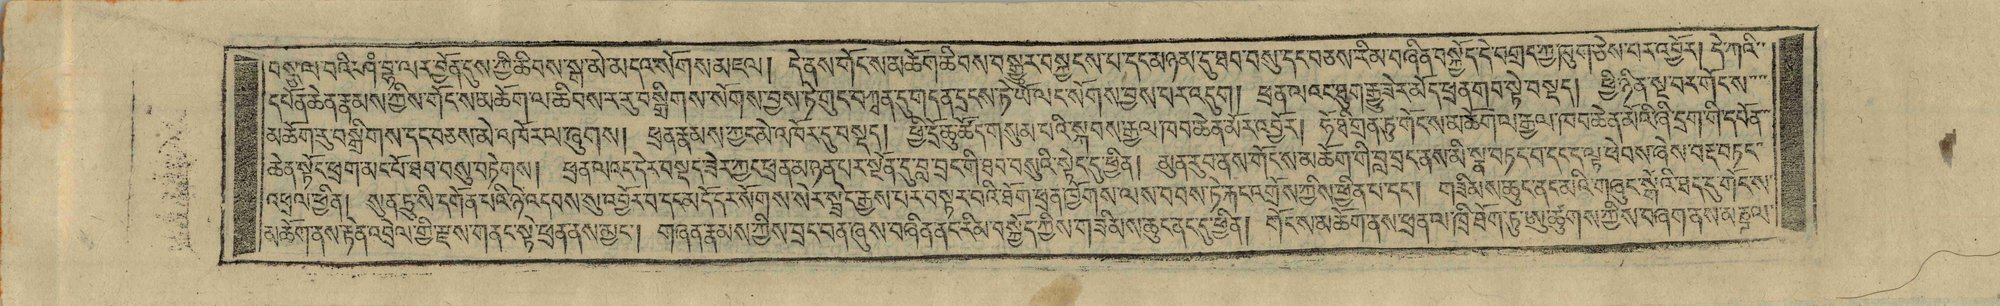བསྩལ་བའི་ཤཾ་བྷ་ལར་བྱོན་དུས་ཀྱི་ཆིབས་སྒ་མེ་མདའ་སོགས་མཇལ། དེ་ནས་གོང་ས་མཆོག་ཆིབས་བསྒྱུར་བསྐྱངས་པ་དང་མཉམ་དུ་ཐབ་བསུ་དང་བཅས་རིམ་བཞིན་བསྐྱོད་དེ་བགྲང་ཀྱ་ཁུག་ཅེས་པར་འབྱོར། དེ་ཀའི་
དཔོན་ཆེན་རྣམས་ཀྱིས་གོང་ས་མཆོག་ལ་ཆིབས་ར་རུ་བསྒྲིགས་སོགས་བྱས་ཏེ་གུང་བཀྭན་དུ་གདན་དྲངས་ཏེ་ཡོ་ལང་སོགས་བྱས་པར་འདུག །ཕྲན་ལའང་ཐུག་རྒྱུ་ཟེར་མོད་ཕྲན་གབ་སྟེ་བསྡད། ཕྱི་ཉིན་སྔ་བར་གོང་ས་
མཆོག་རུ་བསྒྲིགས་དང་བཅས་མེ་འཁོར་ལ་ཞུགས། ཕྲན་རྣམས་ཀྱང་མེ་འཁོར་དུ་བསྡད། ཕྱི་དྲོ་ཆུ་ཚོད་གསུམ་པའི་སྐབས་རྒྱལ་ཁབ་ཆེན་མོར་འབྱོར། ཧོ་ཐི་གྲན་ཏུ་གོང་ས་མཆོག་ལ་རྒྱལ་ཁབ་ཆེན་མོའི་ཞི་དྲག་གི་དཔོན་
ཆེན་སྟོང་ཕྲག་མང་པོ་ཐབ་བསུ་བཏེགས། ཕྲན་ལའང་དེར་བསྡད་ཟེར་ཀྱང་ཕྲན་མ་ཉན་པར་སྔོན་དུ་བླ་བྲང་གི་ཐབ་བསུའི་སྟེང་དུ་ཕྱིན། མུན་རུབ་ནས་གོང་ས་མཆོག་གི་བླ་བྲང་ནས་མི་སྣ་བཏང་བ་དང་ད་ལྟ་ཕེབས་ཞེས་བརྡ་བཏང་
འཕྲལ་ཕྱིན། སུན་ཏྲུ་སི་དགོན་པའི་ཉེ་འདབས་སུ་འབྱོར་བ་དང་མདོ་དར་སོགས་སེར་སྦྲེང་རྒྱས་པར་བསྟར་བའི་ཐོག་ཕྲན་ཁྱོགས་ལས་བབས་ཏེ་རྐང་འགྲོས་ཀྱིས་ཕྱིན་པ་དང་། གཟིམས་ཆུང་ནང་མའི་གཞུང་སྒོའི་ཐད་དུ་གོང་ས་
མཆོག་ནས་རྟེན་འབྲེལ་གྱི་རྫས་གནང་སྟེ་ཕྲན་ནས་མྱང་། གཞན་རྣམས་ཀྱིས་བྲང་བན་ཞུས་བཞིན་ནང་རིམ་བསྐྱོད་ཀྱིས་གཟིགས་?????་ནང་དུ་ཕྱིན། གོང་ས་མཆོག་ནས་ཕྲན་ལ་ཁྲི་ཐོག་ཏུ་ཨུ་ཚུགས་ཀྱིས་བཞག་ནས་མཎྜལ་